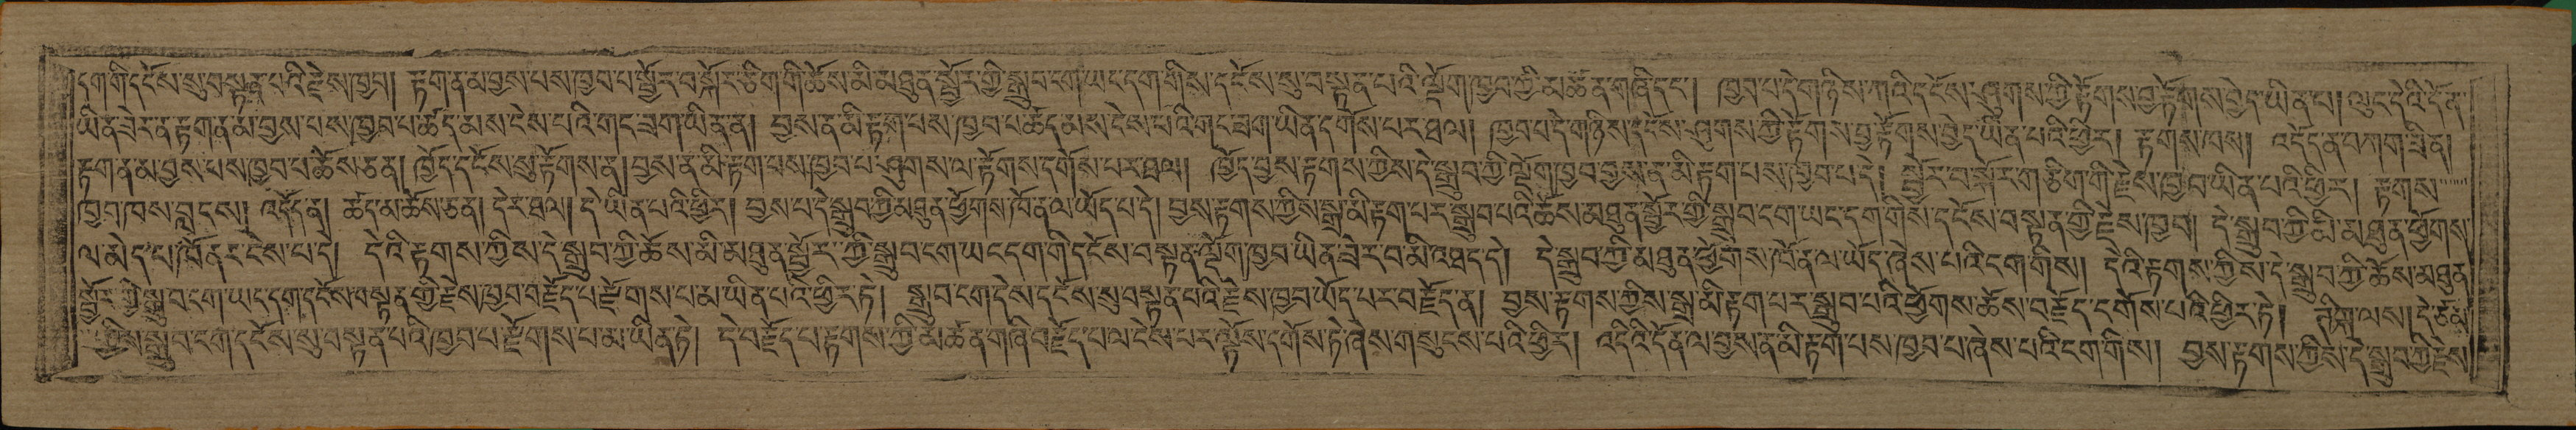དག་གི་དངོས་སུ་བསྟན་པའི་རྗེས་ཁྱབ། རྟག་ན་མ་བྱས་པས་ཁྱབ་པ་སྦྱོར་པ་སྦྱོར་བསྐོར་ཅིག་གི་ཆོས་མི་མཐུན་སྦྱོར་གྱི་སྒྲུབ་ངག་ཡང་དག་གིས་དངོས་སུ་བསྟན་པའི་ལྡོག་ཁྱབ་ཀྱི་མཚན་གཞི་དང་། ཁྱབ་པ་དེ་གཉིས་ཀའི་དངོས་ཤུགས་ཀྱི་རྟོགས་བྱ་རྟོགས་བྱེད་ཡིན་པ། ལུང་དེའི་དོན་
ཡིན་ཟེར་ན་རྟག་ན་མ་བྱས་པས་ཁྱབ་པ་ཚད་མས་ངེས་པའི་གང་ཟག་ཡིན་ན། བྱས་ན་མི་རྟག་པས་ཁྱབ་པ་ཚད་མས་ངེས་པའི་གང་ཟག་ཡིན་དགོས་པར་ཐལ། ཁྱབ་པ་དེ་གཉིས་དངོས་ཤུགས་ཀྱི་རྟོགས་བྱ་རྟོགས་བྱེད་ཡིན་པའི་ཕྱིར། རྟགས་ཁས། འདོད་ན་བཀག་ཟིན།
རྟག་ན་མ་བྱས་པས་ཁྱབ་པ་ཆོས་ཅན། ཁྱོད་དངོས་སུ་རྟོགས་ན། བྱས་ན་མི་རྟག་པས་ཁྱབ་པ་ཤུགས་ལ་རྟོགས་དགོས་པར་ཐལ། ཁྱོད་བྱས་རྟགས་ཀྱིས་དེ་སྒྲུབ་ཀྱི་ལྡོག་ཁྱབ་བྱས་ན་མི་རྟག་པས་ཁྱབ་པ་དེ། སྦྱོར་བ་སྐོར་གཅིག་གི་རྗེས་ཁྱབ་ཡིན་པའི་ཕྱིར། རྟགས་
ཁྱབ་ཁས་བླངས། འདོད་ན། ཚད་མ་ཆོས་ཅན། དེར་ཐལ། དེ་ཡིན་པའི་ཕྱིར། བྱས་པ་དེ་སྒྲུབ་ཀྱི་མཐུན་ཕྱོགས་ཁོ་ན་ལ་ཡོད་པ་དེ། བྱས་རྟགས་ཀྱིས་སྒྲ་མི་རྟག་པར་སྒྲུབ་པའི་ཆོས་མཐུན་སྦྱོར་གྱི་སྒྲུབ་ངག་ཡང་དག་གིས་དངོས་བསྟན་གྱི་རྗེས་ཁྱབ། དེ་སྒྲུབ་ཀྱི་མི་མཐུན་ཕྱོགས་
ལ་མེད་པ་ཁོ་ནར་ངེས་པ་དེ། དེའི་རྟགས་ཀྱིས་དེ་སྒྲུབ་ཀྱི་ཆོས་མི་མཐུན་སྦྱོར་ཀྱི་སྒྲུབ་ངག་ཡང་དག་གི་དངོས་བསྟན་ལྡོག་ཁྱབ་ཡིན་ཟེར་བ་མི་འཐད་དེ། དེ་སྒྲུབ་ཀྱི་མཐུན་ཕྱོགས་ཁོ་ན་ལ་ཡོད་ཞེས་པའི་ངག་གིས། དེའི་རྟགས་ཀྱིས་དེ་སྒྲུབ་ཀྱི་ཆོས་མཐུན་
སྦྱོར་གྱི་སྒྲུབ་ངག་ཡང་དག་དངོས་བསྟན་གྱི་རྗེས་ཁྱབ་བརྗོད་པ་རྫོགས་པ་མ་ཡིན་པའི་ཕྱིར་ཏེ། སྒྲུབ་ངག་དེས་དངོས་སུ་བསྟན་པའི་རྗེས་ཁྱབ་ཡོད་པར་བརྗོད་ན། བྱས་རྟགས་ཀྱིས་སྒྲ་མི་རྟག་པར་སྒྲུབ་པའི་ཕྱོགས་ཆོས་བརྗོད་དགོས་པའི་ཕྱིར་ཏེ། ཊིཀྐ་ལས། དེ་ཙམ་
གྱིས་སྒྲུབ་ངག་དངོས་སུ་བསྟན་པའི་ཁྱབ་པ་རྫོགས་པ་མ་ཡིན་ཏེ། དེ་བརྗོད་པ་རྟགས་ཀྱི་མཚན་གཞི་བརྗོད་པ་ལ་ངེས་པར་ལྟོས་དགོས་ཏེ་ཞེས་གསུངས་པའི་ཕྱིར། འདིའི་དོན་ལ་བྱས་ན་མི་རྟག་པས་ཁྱབ་པ་ཞེས་པའི་ངག་གིས། བྱས་རྟགས་ཀྱིས་དེ་སྒྲུབ་ཀྱི་རྗེས་